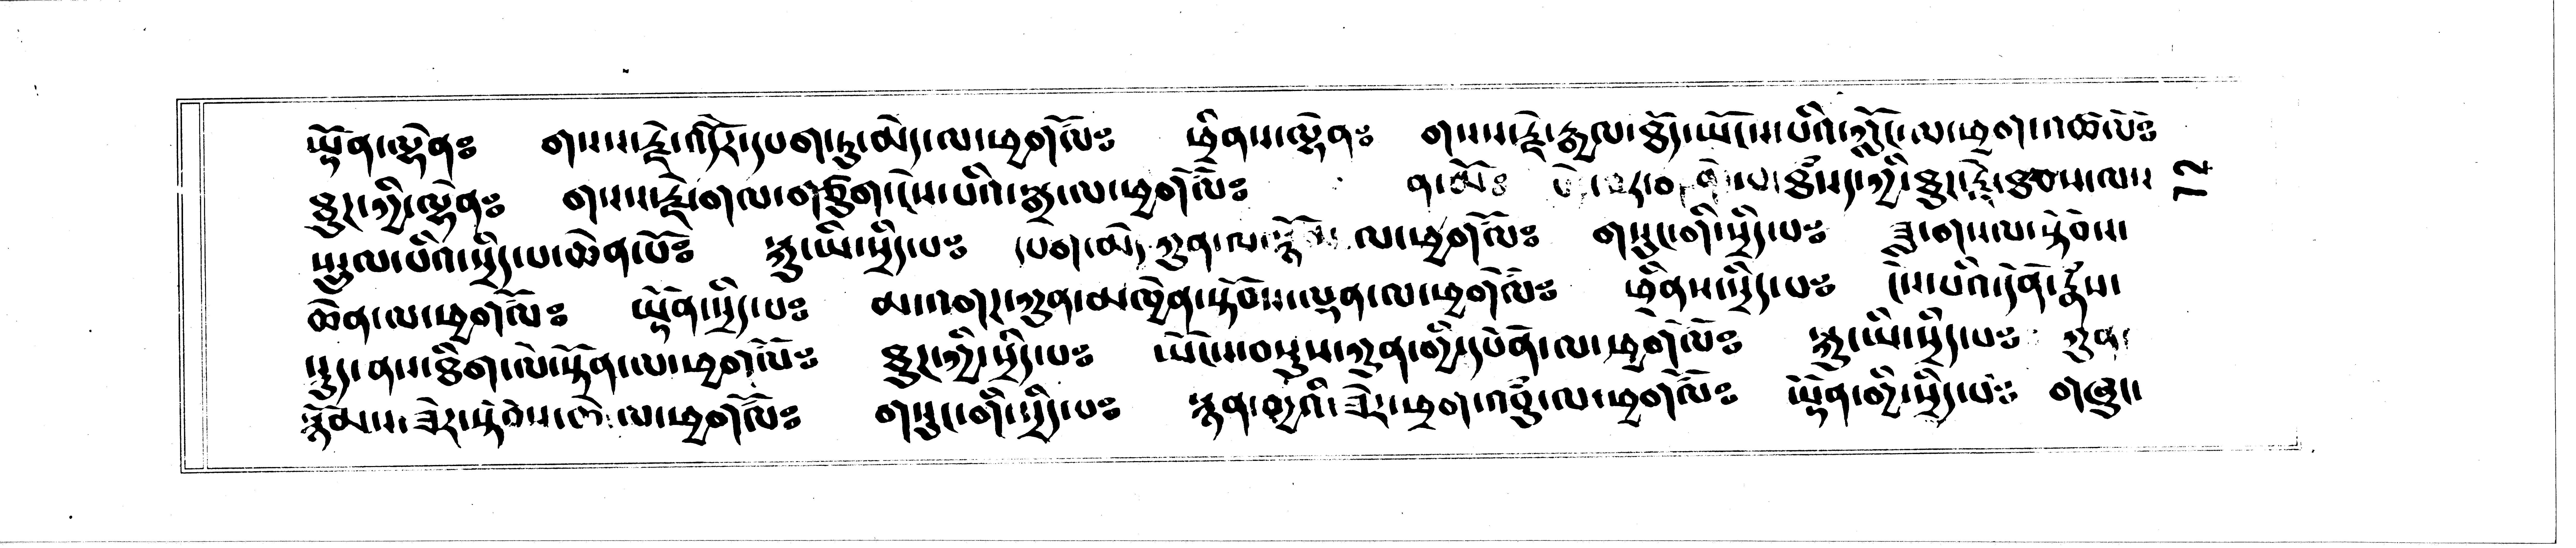ཡོན་ཏན་གྱི་ལྷ་ཆེནཿ གསས་རྗེ་འོད་ཟེར་དཔག་ཏུ་མེད་ལ་ཕྱག་འཚལ་ལོཿ ཕྲིན་ལས་ཀྱི་ལྷ་ཆེནཿ གསས་རྗེ་རྒྱལ་ཐོད་ཡངས་པའི་ཀློང་ལ་ཕྱག་འཚལ་ལོཿ
ཐུགས་ཀྱི་ལྷ་ཆེནཿ གསས་རྗེ་གལ་གཙུག་ངེས་པའི་སྒྲ་ལ་ཕྱག་འཚལ་ལོཿ ན་མོ་བདེ་བར་གཤེགས་པ་ཐམས་ཅད་ཀྱི་ཐུགས་རྗེ་ཐབས་ལས་
སྤྲུལ་པའི་སྲིད་པ་ཆེན་པོཿ སྐུ་ཡི་སྲིད་པཿ དཔག་མེད་ཀུན་ལ་སྙོམས་ལ་ཕྱག་འཚལ་ལོཿ གསུང་གི་སྲིད་པཿ ཟླ་གསལ་སྟོབས་
ཆེན་ལ་ཕྱག་འཚལ་ལོཿ ཡོན་ཏན་གྱི་སྲིད་པཿ མ་འགག་ཀུན་མཁྱེན་སྟོབས་ལྡན་ལ་ཕྱག་འཚལ་ལོཿ ཕྲིན་ལས་ཀྱི་སྲིད་པཿ ངེས་པའི་དོན་རྣམས་
སྡུད་ནས་ཐིག་ལེ་སྟོན་ལ་ཕྱག་འཚལ་ལོཿ ཐུགས་ཀྱི་སྲིད་པཿ ཡོངས་བསྡུས་ཀུན་གྱི་དཔོན་ལ་ཕྱག་འཚལ་ལོཿ སྐུ་ཡི་སྲིད་པཿ ཀུན་
སྙོམས་ཟེར་སྟོབས་ཆེ་ལ་ཕྱག་འཚལ་ལོཿ གསུང་གི་སྲིད་པཿ སྙན་བརྒྱའི་ཟེར་ཕྲག་འབུམ་ལ་ཕྱག་འཚལ་ལོཿ ཡོན་ཏན་གྱི་སྲིད་པཿ གཞུང་